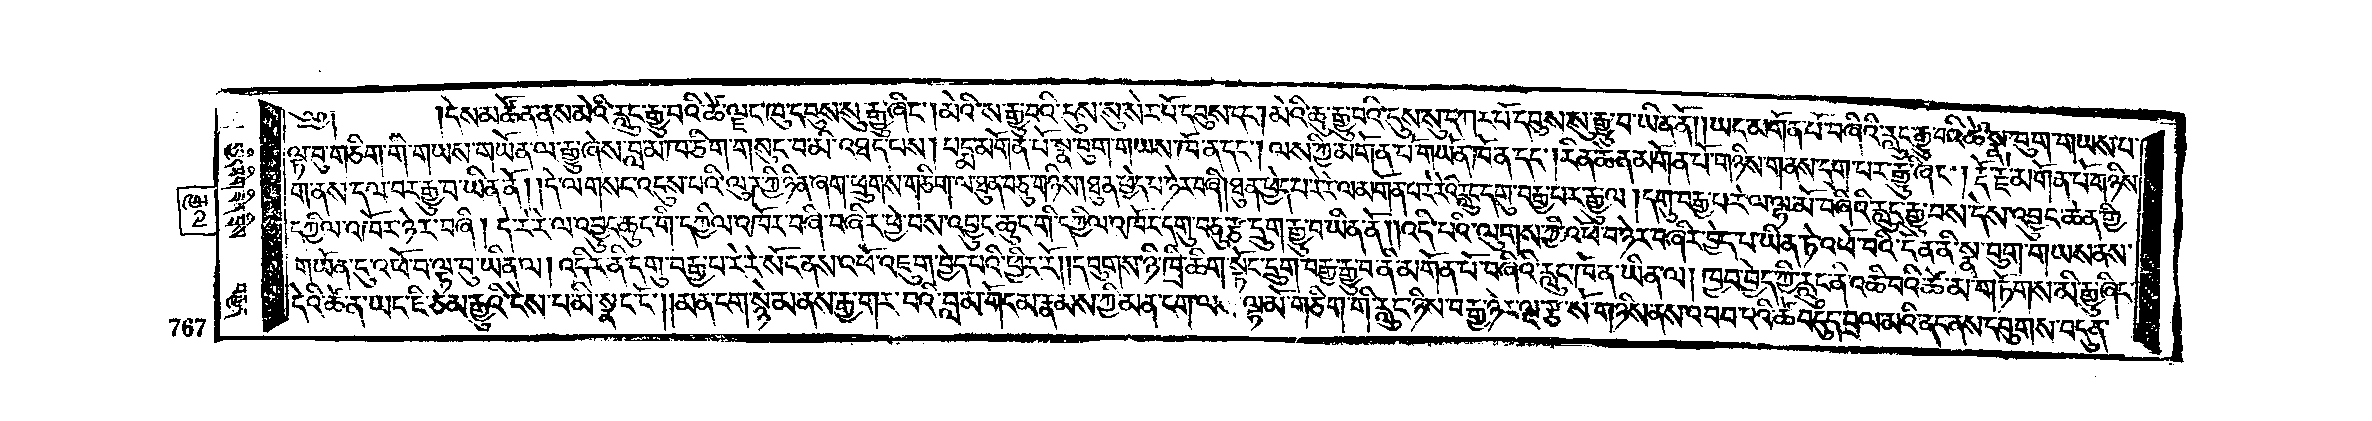༄༅། །དེས་མཚོན་ནས་མེའི་རླུང་རྒྱུ་བའི་ཚེ་ལྗང་ཁུ་དབུས་སུ་རྒྱུ་ཞིང་། མེའི་ས་རྒྱུ་བའི་དུས་སུ་སེར་པོ་དབུས་དང་། མེའི་ཆུ་རྒྱུ་བའི་དུས་སུ་དཀར་པོ་དབུས་སུ་རྒྱུ་བ་ཡིན་ནོ། །ཡང་མགོན་པོ་བཞིའི་རླུང་རྒྱུ་བའི་ཚེ་སྣ་བུ་ག་གཡས་པ་
ལྟ་བུ་གཅིག་གི་གཡས་གཡོན་ལ་རྒྱུ་ཞེས་བླ་མ་ཁ་ཅིག་གསུང་བ་མི་འཐད་པས། པདམ་མགོན་པོ་སྣ་བུག་གཡས་ཁོ་ན་དང་། ལས་ཀྱི་མགོན་པོ་གཡོན་ཁོ་ན་དང་། རིན་ཆེན་མགོན་པོ་གཉིས་གནས་དག་པར་རྒྱུ་ཞིང་། རྡོ་རྗེ་མགོན་པོ་གཉིས་
ག་ནས་དལ་བར་རྒྱུ་བ་ཡིན་ནོ། །དེ་ལ་གསང་འདུས་པའི་ལུགས་ཀྱི་ཉིན་ཞག་ཕྲུགས་གཅིག་ལ་ཐུན་བཅུ་གཉིས། ཐུན་ཕྱེད་པ་ཉེར་བཞི། ཐུན་ཕྱེད་པ་རེ་རེ་ལ་མགོན་པོ་རེ་རེའི་རླུང་དགུ་བརྒྱ་བར་རྒྱུ་ལ། དགུ་བརྒྱ་བ་རེ་ལ་ལྷ་མོ་བཞིའི་རླུང་རྒྱུ་བས་དེས་འབྱུང་ཆེན་གྱི་
དཀྱིལ་འཁོར་ཉེར་བཞི། དེ་རེ་རེ་ལ་འབྱུང་ཆུང་གི་དཀྱིལ་འཁོར་བཞི་བཞིར་ཕྱེ་བས་འབྱུང་ཆུང་གི་དཀྱིལ་འཁོར་དགུ་བཅུ་རྩ་དྲུག་རྒྱུ་བ་ཡིན་ནོ། །འདི་པའི་ལུགས་ཀྱི་འཕོ་བ་ཉེར་བཞིར་བྱེད་པ་ཡིན་ཏེ་འཕོ་བའི་དོན་ནི་སྣ་བུ་ག་གཡས་ནས་
གཡོན་དུ་འཕོ་བ་ལྟ་བུ་ཡིན་ལ། འདིར་ནི་དགུ་བརྒྱ་པ་རེ་རེ་སོང་ནས་འཕོ་འཇུག་བྱེད་པའི་ཕྱིར་རོ། །དབུགས་ཉི་ཁྲི་ཆིག་སྟོང་དྲུག་བརྒྱ་རྒྱུ་བ་ནི་མགོན་པོ་བཞིའི་རླུང་ཁོ་ན་ཡིན་ལ། ཁྱབ་བྱེད་ཀྱི་རླུང་ནི་འཆི་བའི་ཚེ་མ་གཏོགས་མི་རྒྱུ་ཞིང་
དེའི་ཚེ་ན་ཡང་ཇི་ཙམ་རྒྱུའི་ངེས་པ་མི་སྣང་ངོ། །མན་ངག་སྙེ་མ་ནས་རྒྱ་གར་བའི་བླ་མ་གོང་མ་རྣམས་ཀྱི་མན་ངག་ལས་ལྷ་མོ་གཅིག་གི་རླུང་ཉིས་བརྒྱ་ཉེར་ལྔ་རྩ་སོ་གཉིས་ནས་འབབ་པའི་ཚེ་བདུད་བྲལ་མའི་ནང་ནས་དབུགས་བདུན་